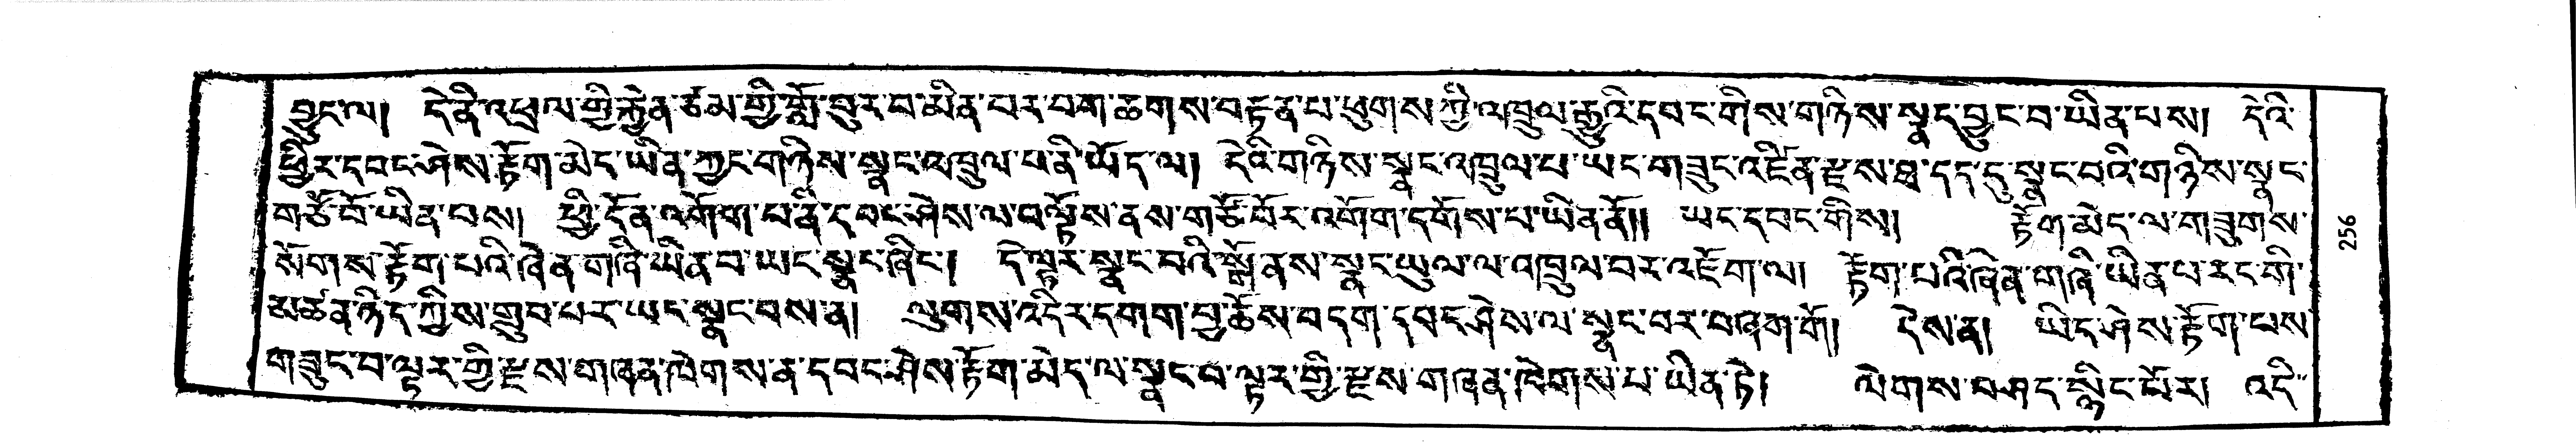བྱུང་ལ། དེ་ནི་འཕྲལ་གྱི་རྐྱེན་ཙམ་གྱི་གློ་བུར་བ་མིན་པར་བག་ཆགས་བརྟན་པ་ཕུགས་ཀྱི་འཁྲུལ་རྒྱུའི་དབང་གིས་གཉིས་སྣང་བྱུང་བ་ཡིན་པས། དེའི་
ཕྱིར་དབང་ཤེས་རྟོག་མེད་ཡིན་ཀྱང་གཉིས་སྣང་འཁྲུལ་པ་ནི་ཡོད་ལ། དེའི་གཉིས་སྣང་འཁྲུལ་པ་ཡང་གཟུང་འཛིན་རྫས་ཐ་དད་དུ་སྣང་བའི་གཉིས་སྣང་
གཙོ་བོ་ཡིན་པས། ཕྱི་དོན་འགོག་པ་ནི་དབང་ཤེས་ལ་བལྟོས་ནས་གཙོ་བོར་འགོག་དགོས་པ་ཡིན་ནོ། །ཡང་དབང་གིས། རྟོག་མེད་ལ་གཟུགས་
སོགས་རྟོག་པའི་ཞེན་གཞི་ཡིན་པ་ཡང་སྣང་ཞིང་། དེ་ལྟར་སྣང་བའི་སྒོ་ནས་སྣང་ཡུལ་ལ་འཁྲུལ་བར་འཇོག་ལ། རྟོག་པའི་ཞེན་གཞི་ཡིན་པ་རང་གི་
མཚན་ཉིད་ཀྱིས་གྲུབ་པར་ཡང་སྣང་བས་ན། ལུགས་འདིར་དགག་བྱ་ཆོས་བདག་དབང་ཤེས་ལ་སྣང་བར་བཞག་གོ། དེས་ན། ཡིད་ཤེས་རྟོག་པས་
གཟུང་བ་ལྟར་གྱི་རྫས་གཞན་ཁེགས་ན་དབང་ཤེས་རྟོག་མེད་ལ་སྣང་བ་ལྟར་གྱི་རྫས་གཞན་ཁེགས་པ་ཡིན་ཏེ། ལེགས་བཤད་སྙིང་པོར། འདི་